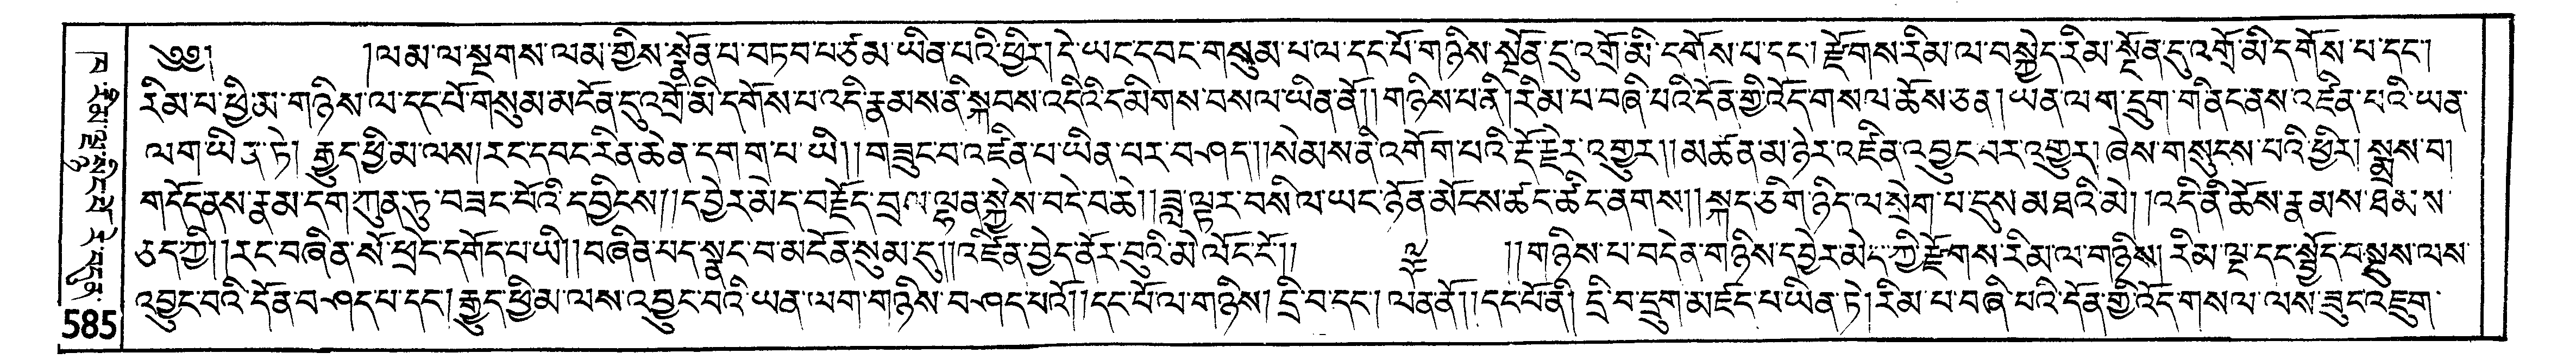༄༅། །ལམ་ལ་སྔགས་ལམ་གྱིས་སྣོན་པ་བཏབ་པ་ཙམ་ཡིན་པའི་ཕྱིར། དེ་ཡང་དབང་གསུམ་པ་ལ་དང་པོ་གཉིས་སྔོན་དུ་འགྲོ་མི་དགོས་པ་དང་། རྫོགས་རིམ་ལ་བསྐྱེད་རིམ་སྔོན་དུ་འགྲོ་མི་དགོས་པ་དང་།
རིམ་པ་ཕྱི་མ་གཉིས་ལ་དང་པོ་གསུམ་མངོན་དུ་འགྲོ་མི་དགོས་པ་འདི་རྣམས་ནི་སྐབས་འདིའི་དམིགས་བསལ་ཡིན་ནོ། །གཉིས་པ་ནི། རིམ་པ་བཞི་པའི་དོན་གྱི་འོད་གསལ་ཆོས་ཅན། ཡན་ལག་དྲུག་གི་ནང་ནས་འཛིན་པའི་ཡན་
ལག་ཡིན་ཏེ། རྒྱུད་ཕྱི་མ་ལས། རང་དབང་རིན་ཆེན་དགག་པ་ཡི། །གཟུང་བ་འཛིན་པ་ཡིན་པར་བཤད། །སེམས་ནི་འགོག་པའི་རྡོ་རྗེར་འགྱུར། །མཚན་མ་ཉེར་འཛིན་འབྱུང་བར་འགྱུར། ཞེས་གསུངས་པའི་ཕྱིར། སྨྲས་བ།
གདོད་ནས་རྣམ་དག་ཀུན་ཏུ་བཟང་པོའི་དབྱིངས། །དབྱེར་མེད་བརྗོད་བྲལ་ལྷན་སྐྱེས་བདེ་བ་ཆེ། །ཟླ་ལྟར་བསིལ་ཡང་ཉོན་མོངས་ཚང་ཚིང་ནགས། །སྐད་ཅིག་ཉིད་ལ་སྲེག་པ་དུས་མཐའི་མེ། །འདི་ནི་ཆོས་རྣམས་ཐམས་
ཅད་ཀྱི། །རང་བཞིན་སོ་ཕྲེང་དགོད་པ་ཡི། །བཞིན་པད་སྣང་བ་མངོན་སུམ་དུ། །འཛིན་བྱེད་ནོར་བུའི་མེ་ལོང་ངོ།། ༈ །།གཉིས་པ་བདེན་གཉིས་དབྱེར་མེད་ཀྱི་རྫོགས་རིམ་ལ་གཉིས། རིམ་ལྔ་དང་སྤྱོད་བསྡུས་ལས་
འབྱུང་བའི་དོན་བཤད་པ་དང་། རྒྱུད་ཕྱི་མ་ལས་འབྱུང་བའི་ཡན་ལག་གཉིས་བཤད་པའོ། །དང་པོ་ལ་གཉིས། དྲི་བ་དང་། ལན་ནོ། །དང་པོ་ནི། དྲི་བ་དྲུག་མཛད་པ་ཡིན་ཏེ། རིམ་པ་བཞི་པའི་དོན་གྱི་འོད་གསལ་ལས་ཟུང་འཇུག་